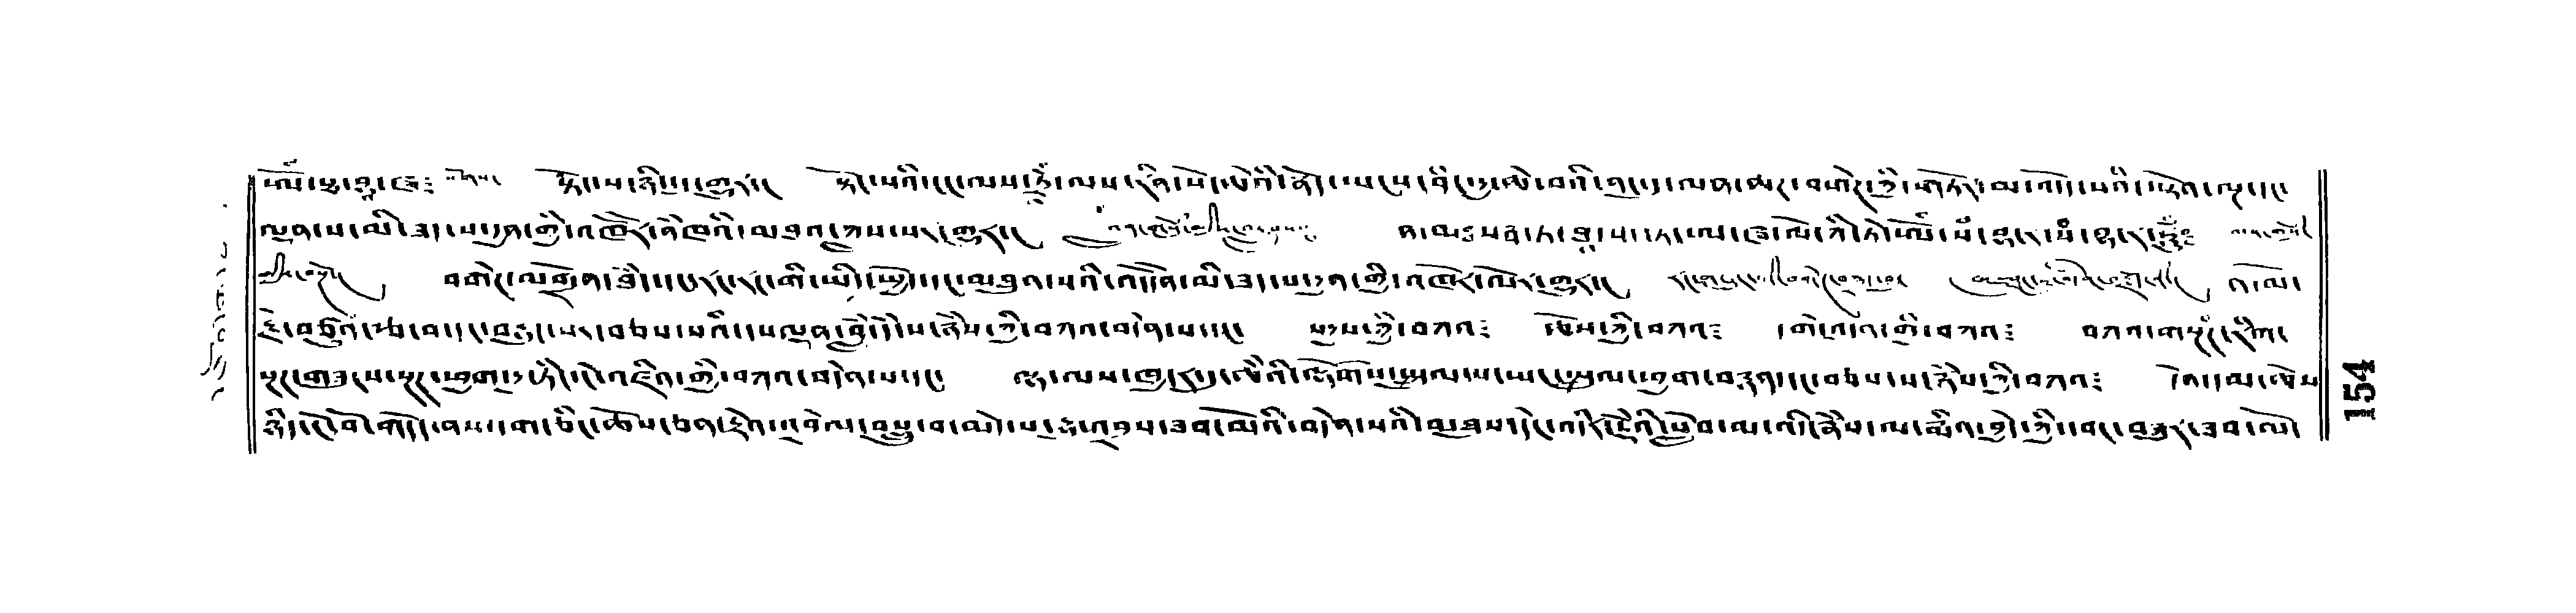ཨོཾ་སྭ་བྷཱ་ཝ༴ སོགས། སྟོང་པ་ཉིད་དུ་གྱུར། སྟོང་པའི་ངང་ལས་ཏྲཱྃ་ལས་རིན་པོ་ཆེའི་སྣོད་ཡངས་ཤིང་རྒྱ་ཆེ་བའི་ནང་དུ་ལན་ཆགས་བགེགས་ཀྱི་གཏོར་མ་འདོད་པའི་ཡོན་ཏན་ལྔ་དང་
ལྡན་པ་མི་ཟད་པ་རྒྱན་གྱི་འཁོར་ལོ་ནམ་མཁའི་མཐའ་ཀླས་པར་གྱུར། འབྲུ་གསུམ་གྱིས་བརླབ། ན་མཿསརྦ་ཏ་ཐཱ་ག་ཏ་ཨ་ཝ་ལོ་ཀི་ཏེ་ཨོཾ་སཾ་བྷ་ར་སཾ་བྷ་ར་ཧཱུྃ༔ ལན་གསུམ་
གྱིས་བསྔོ། བགེགས་མགྲོན་ཐམས་ཅད་རང་རང་གི་ཡིད་སྤྱོད་དང་མཐུན་པའི་འདོད་ཡོན་མི་ཟད་པ་རྒྱན་གྱི་འཁོར་ལོར་གྱུར། རང་གཞུང་གི་བགེགས་བསྐྲད་བྱ། མཇུག་ཏུ་བདེན་བརྗོད་ནི། ན་མོ། 
རྗེ་བཙུན་རྩ་བ་དང་བརྒྱུད་པར་བཅས་པའི་དཔལ་ལྡན་བླ་མ་དམ་པ་རྣམས་ཀྱི་བཀའ་བདེན་པ་དང་། སངས་རྒྱས་ཀྱི་བཀའ༴ ཆོས་ཀྱི་བཀའ༴ དགེ་འདུན་གྱི་བཀའ༴ གསང་སྔགས་རིག་
སྔགས་གཟུངས་སྔགས་ཕྱག་རྒྱ་ཏིང་ངེ་འཛིན་གྱི་བཀའ་བདེན་པ་དང་། ལྷ་ལས་ཁྱད་པར་དུ་ཆེ་པའི་ལྷ་ཚོགས་སྤྲུལ་པ་ཡང་སྤྲུལ་ཕྱག་བརྙན་དང་བཅས་པ་རྣམས་ཀྱི་བཀའ༴ དོན་དམ་ཆོས་
ཉིད་ངོ་བོ་གདོད་ནས་དག་ཅིང་ཆོས་ཅན་རྟེན་འབྲེལ་བསླུ་བ་མེད་པ་རྒྱུ་འབྲས་ཟབ་མོའི་བདེན་པའི་མཐུས་དེང་འདིར་རྡོ་རྗེའི་སློབ་མ་འདི་རྣམས་ལ་སྨིན་བྱེད་ཀྱི་དབང་བསྐུར་ཟབ་མོ་